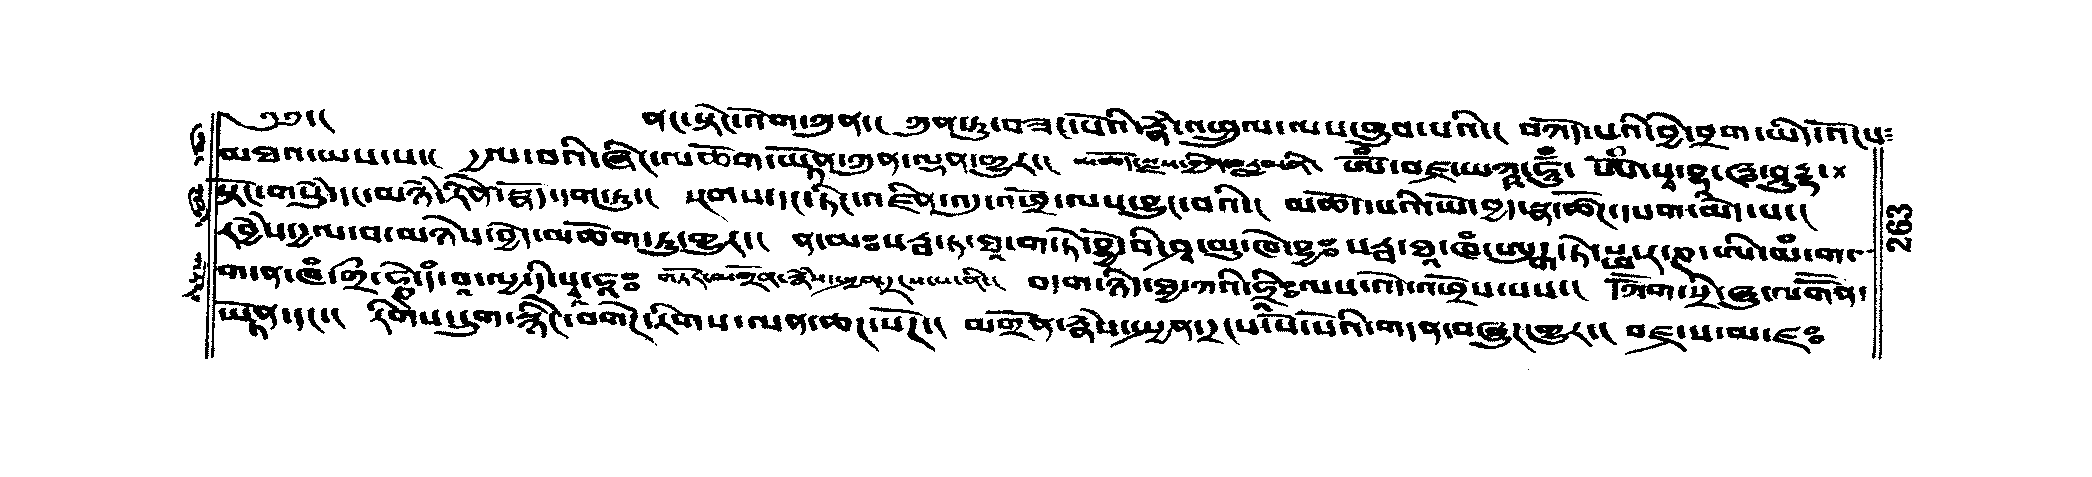ནང་སྟེང་འོག་ཀུན། །ཀུན་ཏུ་བཟང་པོའི་རྣམ་འཕྲུལ་ལས་གྲུབ་པའི། །བཀོད་པའི་བྱེ་བྲག་ཡིད་འོངས་
མཐའ་ཡས་པ། །རྒྱལ་བའི་ཞིང་མཆོག་ཡོན་ཏན་ཀུན་ལྡན་གྱུར། །མཆོད་རྫས་བྱིན་བརླབ་ནི། ཨོྃ་བཛྲ་ཡཀྴ་ཧཱུྃ། ཨོྃ་སྭ་བྷ་ཝ་ཤུདྡྷ༴ 
སྟོང་གསུམ་དང་མཉམ་རིན་ཆེན་སྣོད་དག་ཏུ། །སྔགས་དང་ཏིང་འཛིན་འདུ་འཕྲོ་ལས་བྱུང་བའི། །མཆོད་པའི་ཡོ་བྱད་སྣ་ཚོགས་དཔག་མེད་པ། །
རབ་འབྱམས་རྒྱལ་བ་མཉེས་བྱེད་མཆོག་ཏུ་གྱུར། །ན་མ་སརྦ་ཏ་ཐཱ་ག་ཏོ་བྷྱོ་བི་ཤྭ་མུ་ཁེ་བྷྱཿསརྦ་ཐཱ་ཁཾ་ཨུདྒ་ཏེ་སྥ་ར་ཎ་ཨི་མཾ་ག་
ག་ན་ཁཾ་གྲྀ་ཧྞེ་དཾ་བཱ་ལྱ་དི་སྭཱ་ཧཱཿ གཏོར་མགྲོན་རྣམས་སྤྱན་དྲངས་པ་ནི། བདག་ཉིད་ཐུགས་ཀའི་ཧྲཱིཿལས་འོད་འཕྲོས་པས། དཀོན་མཆོག་སྲི་ཞུ་མགོན་པོ་
ཡོན་ཏན་དང་། །རིགས་དྲུག་སྙིང་རྗེ་བགེགས་རིགས་ལན་ཆགས་སོགས། །མགྲོན་རྣམས་སྤྱན་དྲངས་སོ་སོའི་གདན་བཞུགས་གྱུར། །བཛྲ་ས་མ་ཛཿ